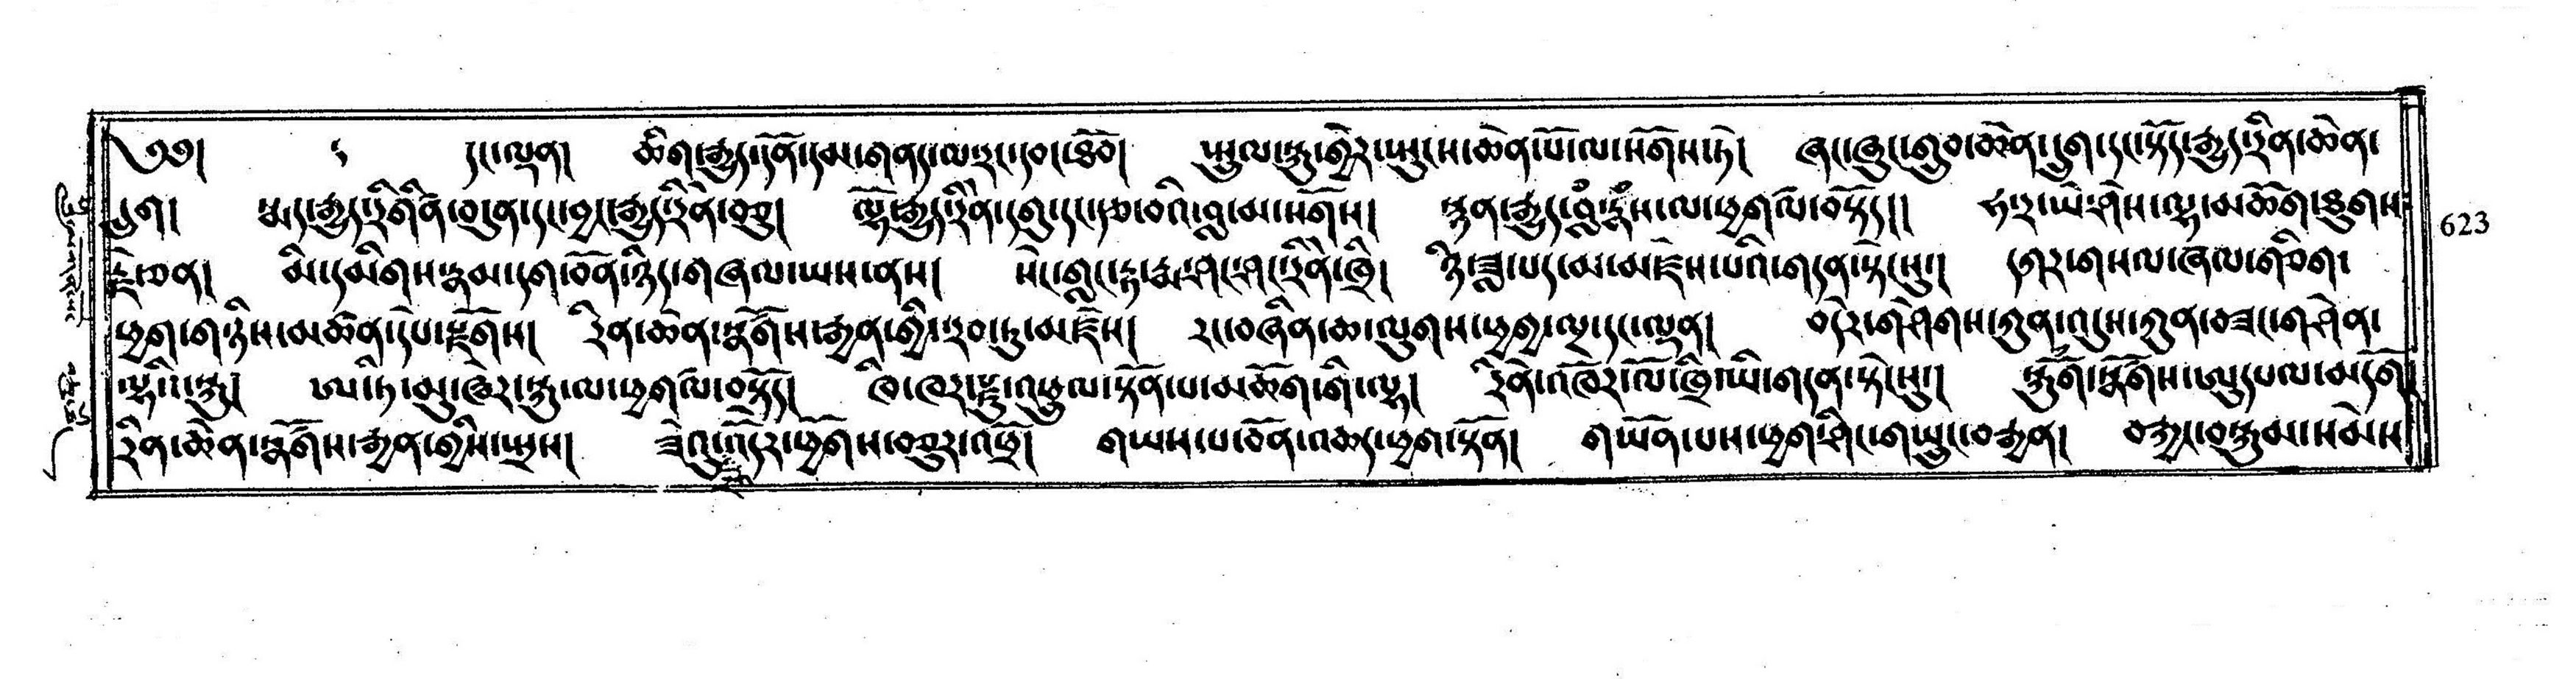དང་ལྡན། ཚིག་རྒྱུད་དོན་དམ་གནད་ལ་རང་དབང་ཐོབ། སྤྲུལ་སྐུ་གྱེར་སྤུངས་ཆེན་པོ་ལ་སོགས་ཏེ། ཞང་ཞུང་གྲུབ་ཆེན་དྲུག་དང་སྟོད་རྒྱུད་རིག་འཛིན་
དྲུག སྨད་རྒྱུད་རིག་འཛིན་བདུན་དང་བྱང་རྒྱུད་རིག་འཛིན་བཅུ། ལྷོ་རྒྱུད་རིག་འཛིན་དགུ་དང་རྩ་བའི་བླ་མ་སོགས། སྙན་རྒྱུད་བླ་མ་རྣམས་ལ་ཕྱག་འཚལ་བསྟོད།། ཧ་ར་ཡེ་ཤེས་ལྷ་མཆོག་ཐུགས་
རྗེ་ཅན། མི་དམིགས་རྣམ་དག་བོན་ཉིད་གཞལ་ཡས་ནས། སེང་གླང་རྟ་རྨ་ཤང་ཤང་རིན་ཆེན་ཁྲི། ཉི་ཟླ་པད་མ་མཛེས་པའི་གདན་སྟེངས་སུ། དཀར་གསལ་ཞལ་གཅིག་
ཕྱག་གཉིས་མཚན་དཔེ་རྫོགས། རིན་ཆེན་སྣ་ཚོགས་རྒྱན་གྱི་རབ་ཏུ་མཛེས། རང་བཞིན་ཆ་ལུགས་ཕྱག་རྒྱ་ལྔ་དང་ལྡན། བདེར་གཤེགས་ཀུན་འདུས་ཀུན་བཟང་གཤེན་
ལྷའི་སྐུ། ཨ་ཏི་མུ་ཝེར་སྐུ་ལ་ཕྱག་འཚལ་བསྟོད། ཁི་ཁར་རྫུ་འཕྲུལ་སྟོན་པ་མཆོག་གི་ལྷ། རིན་ཆེན་འཁོར་ལོ་ཁྲི་ཡི་གདན་སྟེངས་སུ། སྐུ་མདོག་སྣ་ཚོགས་ཨུད་དཔལ་མདོག 
རིན་ཆེན་སྣ་ཚོགས་རྒྱན་གྱིས་སྤྲས། ཟེའུ་པྲོག་འོད་ཟེར་ཕྱོགས་བཅུར་འཕྲོ། གཡས་པ་བོན་འཆད་ཕྱག་སྟོན། གཡོན་པས་ཕྱག་ཤིང་གཡུང་དྲུང་བརྒྱན། བརྐྱང་བསྐུམ་སེམས་